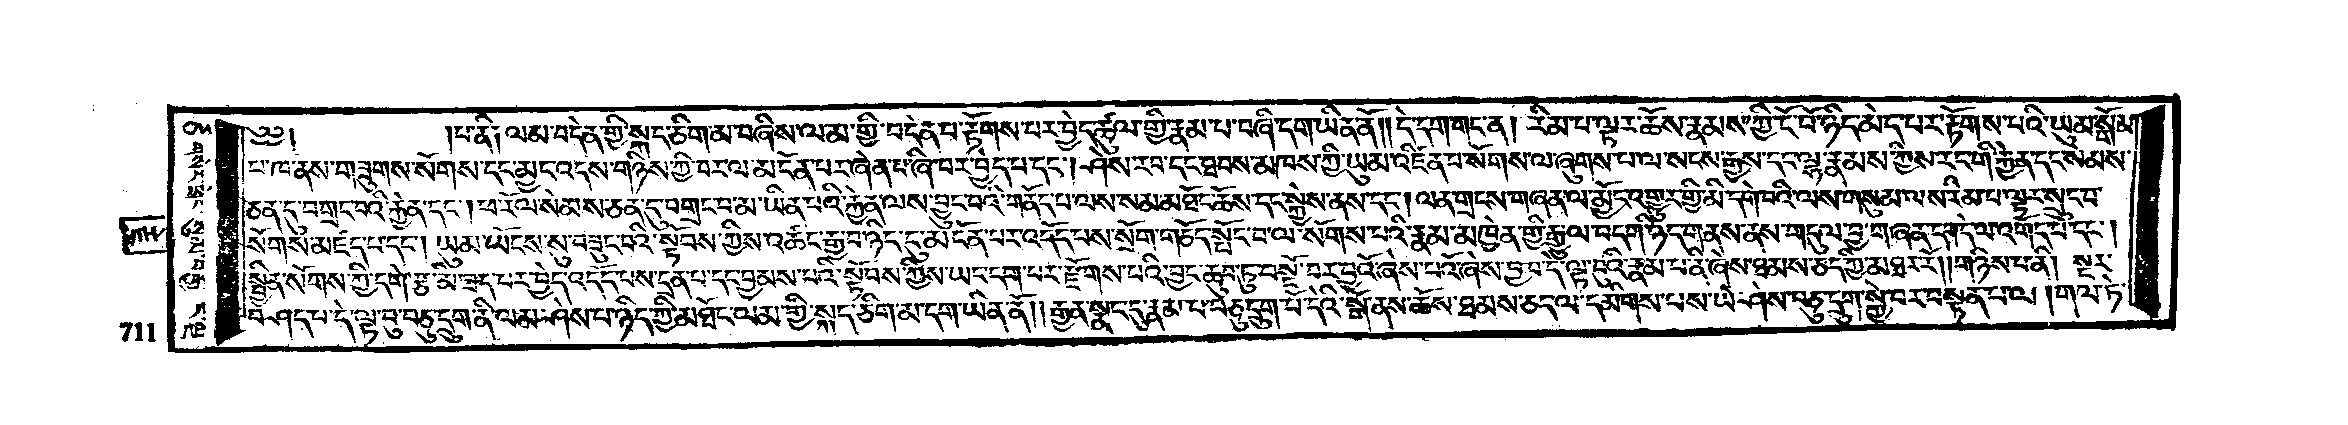༄༅། །པ་ནི། ལམ་བདེན་གྱི་སྐད་ཅིག་མ་བཞིས་ལམ་གྱི་བདེན་པ་རྟོགས་པར་བྱེད་ཚུལ་གྱི་རྣམ་པ་བཞི་དག་ཡིན་ནོ། །དེ་དག་གང་ན། རིམ་པ་ལྟར་ཆོས་རྣམས་ཀྱི་ངོ་བོ་ཉིད་མེད་པར་རྟོགས་པའི་ཡུམ་སྒོམ་
པ་ཁ་ནས་གཟུགས་སོགས་དང་མྱང་འདས་གཉིས་ཀྱི་བར་ལ་མངོན་པར་ཞེན་པ་ཞི་བར་བྱེད་པ་དང་། ཤེས་རབ་དང་ཐབས་མཁས་ཀྱི་ཡུམ་འཛིན་པ་སོགས་ལ་ཞུགས་པ་ལ་སངས་རྒྱས་དང་ལྷ་རྣམས་ཀྱིས་རང་གི་རྐྱེན་དང་སེམས་
ཅན་དུ་བགྲང་བའི་རྐྱེན་དང་། ཕ་རོལ་སེམས་ཅན་དུ་བགྲང་བ་མ་ཡིན་པའི་རྐྱེན་ལས་བྱུང་བའི་གནོད་པ་ལས་སམ་མཐོང་ཆོས་དང་སྐྱེས་ནས་དང་། ལན་གྲངས་གཞན་ལ་མྱོང་འགྱུར་གྱི་མི་དགེ་བའི་ལས་གསུམ་ལས་རིམ་པ་ལྟར་སྲུང་བ་
སོགས་མཛད་པ་དང་། ཡུམ་ཡོངས་སུ་བཟུང་བའི་སྟོབས་ཀྱིས་འཚང་རྒྱ་བ་ཉིད་དུ་མངོན་པར་འདོད་པས་སྲོག་གཅོད་སྤོང་བ་ལ་སོགས་པའི་རྣམ་མཁྱེན་གྱི་རྒྱུ་ལ་བདག་ཉིད་གནས་ནས་གདུལ་བྱ་གཞན་དག་དེ་ལ་འགོད་པ་དང་།
སྦྱིན་སོགས་ཀྱི་དགེ་རྩ་མི་ཟད་པར་བྱེད་འདོད་པས་དྲན་པ་དང་བྱམས་པའི་སྟོབས་ཀྱིས་ཡང་དག་པར་རྫོགས་པའི་བྱང་ཆུབ་ཏུ་བསྔོ་བར་བྱའོ་ཞེས་པའོ་ཞེས་བྱ་བ་དེ་ལྟ་བུའི་རྣམ་པ་ནི་ཞེས་ཐམས་ཅད་ཀྱི་མཐར་རོ། །གཉིས་པ་ནི། སྔར་
བཤད་པ་དེ་ལྟ་བུ་བཅུ་དྲུག་ནི་ལམ་ཤེས་པ་ཉིད་ཀྱི་མཐོང་ལམ་གྱི་སྐད་ཅིག་མ་དག་ཡིན་ནོ། །རྒྱན་སྣང་དུ་རྣམ་པ་བཅུ་དྲུག་པོ་དེའི་སྒོ་ནས་ཆོས་ཐམས་ཅད་ལ་དམིགས་པས་ཡེ་ཤེས་བཅུ་དྲུག་སྐྱེ་བར་བསྟན་པ་ལ། གལ་ཏེ་